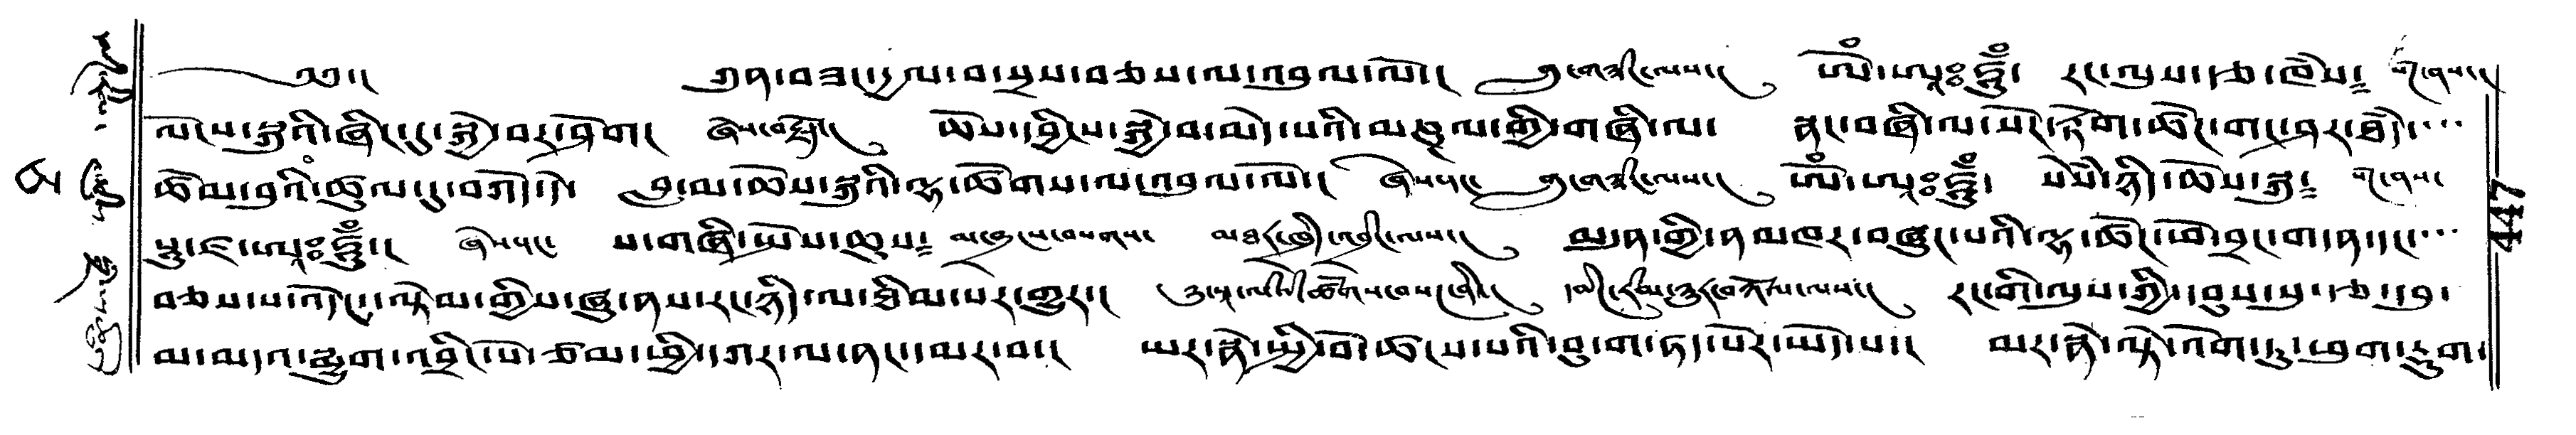ཀུན་བཟང་རྒྱལ་བ་སྲས་བཅས་ལ་འབུལ་ལོ༔ གྲུ་གཟིངས་ལས། ཨོཾ་ཨཱཿཧཱུྃ། རང་ལུས་རྩ་ཁམས༴ སོགས་ནས། 
ལོངས་སྐུའི་ཞིང་དུ་སྐྱེ་བར་ཤོག ཞེས་བརྗོད། ཆོས་དབྱིངས་སྐྱེ་བ་མེད་པའི་མཎྜལ་གྱི་གཞི་ལ། སྣང་བཞི་ལ་སོགས་རྟོག་ཚོགས་གང་ཤར་ཐམས་ཅད་
ཚོམ་བུའི་ཚུལ་དུ་བཀོད་དེ། བླ་མ་ཆོས་སྐུའི་ལྷ་ཚོགས་ལ་འབུལ་ལོ། ཞེས་དང་། གྲུ་གཟིངས་ལས། ཨོཾ་ཨཱཿཧཱུྃ། སེམས་ཉིད་ཆོས་སྐུ༴ སོགས་ནས། 
པཱུ་ཛ་ཨཱཿཧཱུྃ། ཞེས་དང་། ས་གཞི་སྤོས་ཆུས༴ མ་གྲངས་བསག མཐར་ཁྲིད་འབྲིང་ལས། མདུན་གྱི་ནམ་མཁར་བཞུགས་པའི་ལྷ་ཚོགས་ཕོ་བྲང་གདན་དང་
བཅས་པ་འོད་དུ་ལྟེམ་གྱིས་ཞུ་ནས་རང་ཉིད་ལ་ཐིམ་པར་གྱུར། ཀུ་སཱ་ལིའི་ཚོགས་བསགས་ནི། དམིགས་རིམ་ཟུར་བཀོལ་ལས། རང་གི་ལུས་ཀྱི་དབུས་སུ་རྩ་དབུ་
མ་མདའ་སྨྱུག་འབྲིང་པོ་ཙམ་ཕྱི་དཀར་ལ་ནང་དམར་བ། ཡར་སྣེ་སྤྱི་བོ་ཚངས་པའི་བུ་ག་ཧད་པོར་ཡོད་པ། མར་སྣེ་ལྟེ་འོག་ཏུ་ཕུག་རྡུགས་སུ་